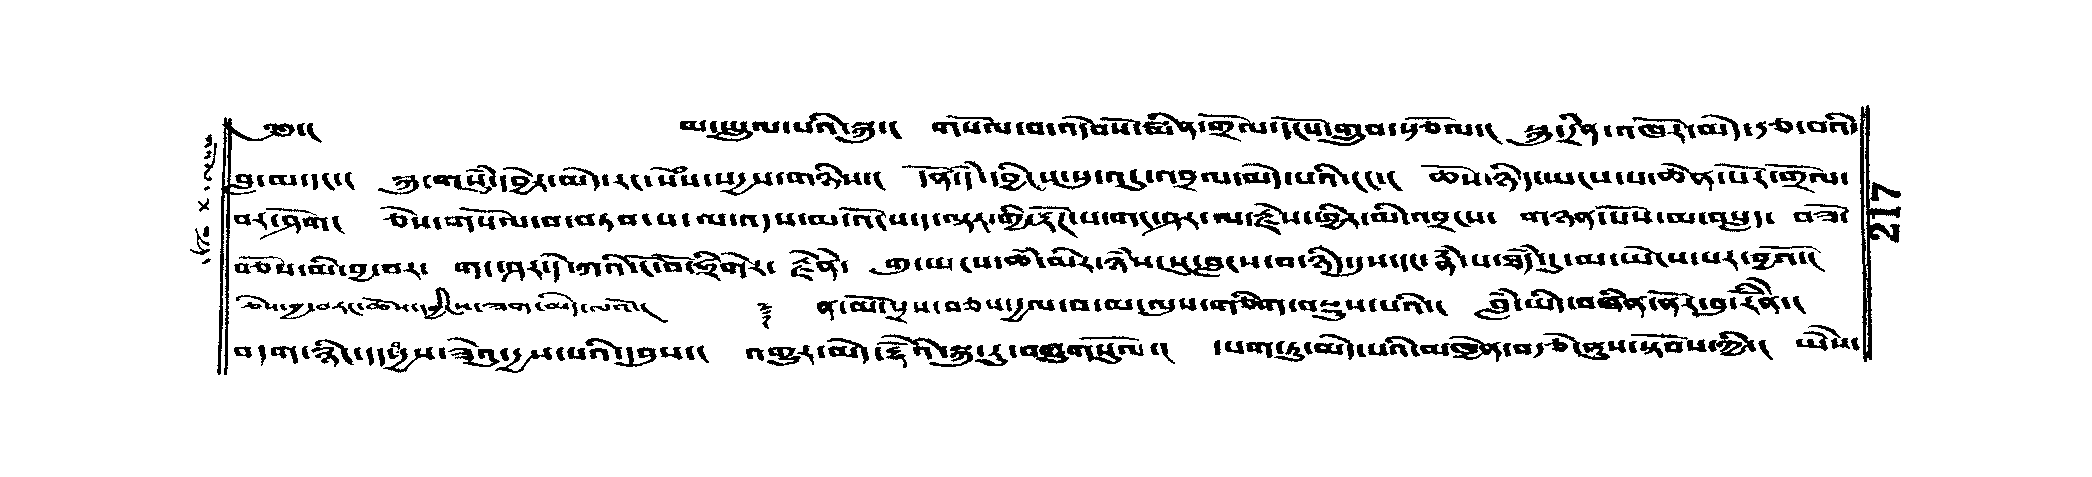མ་སྤྲུལ་པའི་སྐུ། །གསོལ་བ་འདེབས་སོ་སྨིན་གྲོལ་དངོས་གྲུབ་སྩོལ། །སྐུ་དྲིན་འཁོར་མེད་རྩ་བའི་
བླ་མ་དང་། །སྐུ་གསུམ་དབྱེར་མེད་རང་སེམས་སངས་རྒྱས་གཉིས། །དོན་དམ་དབྱིངས་སུ་འདུ་འབྲལ་མེད་པའི་ངང་། །ཆོས་ཉིད་ཡངས་པ་ཆེན་པོར་གྲོལ་
བར་ཤོག ཅེས་གསོལ་བ་བཏབ་པ་ལ་འདས་མ་འོངས་ད་ལྟར་གྱི་རྟོག་པ་གང་ཤར་ལ་རྗེས་ཕྱིར་མི་འབྲངས། གཉེན་པོས་མ་བསླད། བཟོ་
བཅོས་མི་བྱ་བར། གང་ཤར་དེ་ཀའི་ངོ་བོ་ཧྲིག་གེར། རྗེན་ནེ་གུ་ཡངས་ཆམ་མེར་ཉམས་སུ་བླངས་བ་ཉིད་དུས་དང་རྣམ་པ་ཐམས་ཅད་དུ་མ་ཡེངས་པར་བྱའོ། 
ཞེས་བྱ་བཏང་ཆོས་དབྱིངས་ཟག་མེད་ལའོ།། ༈ ན་མོ་སྲས་བཅས་རྒྱལ་བ་མ་ལུས་གཅིག་བསྡུས་པའི། །བླ་མ་ཡིད་བཞིན་ནོར་བུ་རིན་པོ་ཆེ། །
བདག་སྙིང་དད་བརྒྱས་ཟེ་འབྲུ་རྒྱས་པའི་དབུས། །འགྱུར་མེད་རྡོ་རྗེའི་སྐུ་རུ་བཞུགས་སུ་གསོལ། །དཔག་ཏུ་མེད་པའི་མཁྱེན་བརྩེ་ནུས་སྟོབས་ཀྱི། །ཡེ་ཤེས་